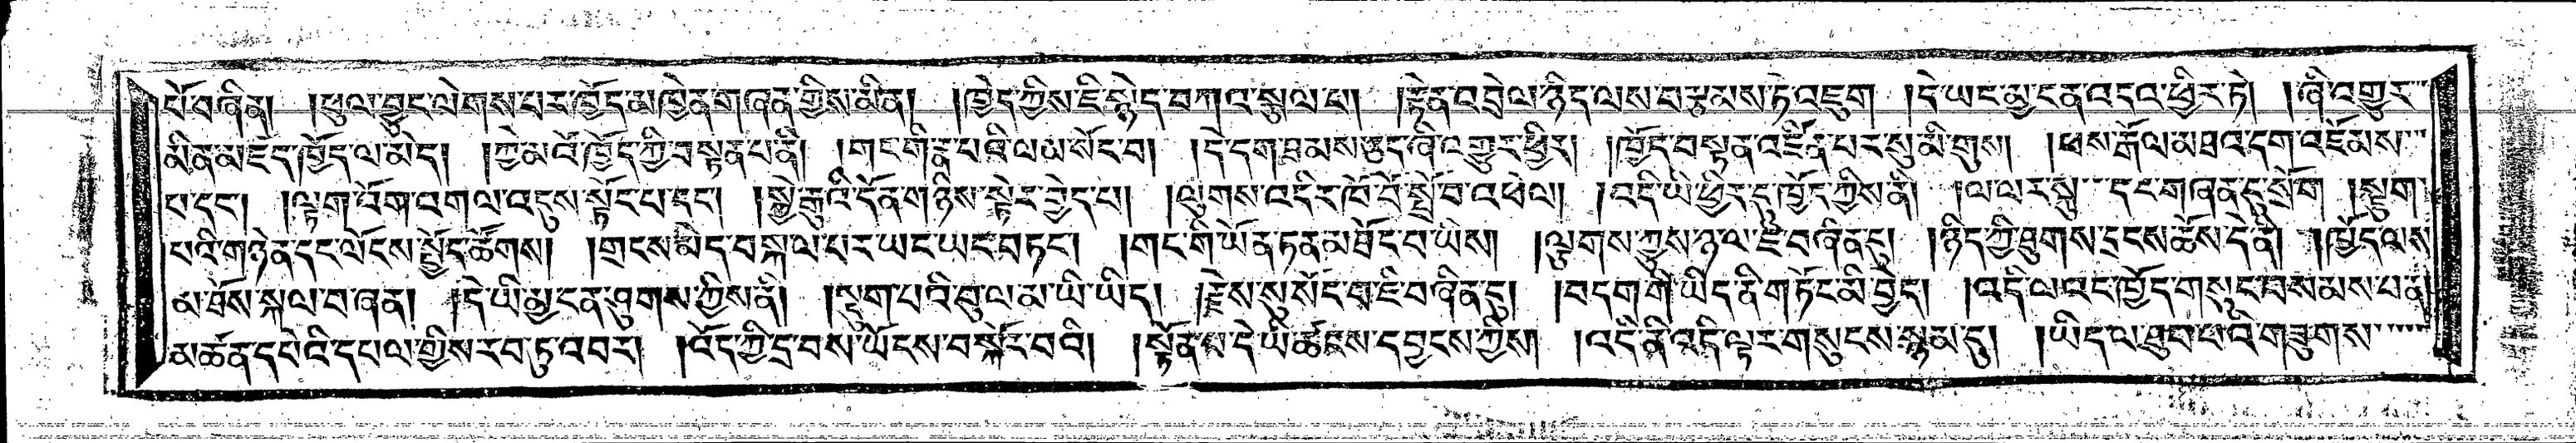པོ་བཞིན། །ཕུལ་བྱུང་ལེགས་པར་ཁྱོད་མཁྱེན་གཞན་གྱིས་མིན། །ཁྱེད་ཀྱིས་ཇི་སྙེད་བཀའ་སྩལ་པ། །རྟེན་འབྲེལ་ཉིད་ལས་བརྩམས་ཏེ་འཇུག །དེ་ཡང་མྱ་ངན་འདའ་ཕྱིར་ཏེ། །ཞི་འགྱུར་
མིན་མཛད་ཁྱོད་ལ་མེད། །ཀྱེ་མའོ་ཁྱོད་ཀྱི་བསྟན་པ་ནི། །གང་གི་རྣ་པའི་ལམ་སོང་བ། །དེ་དག་ཐམས་ཅད་ཞི་འགྱུར་ཕྱིར། །ཁྱོད་བསྟན་འཛིན་པར་སུ་མི་གུས། །ཕས་རྒོལ་མཐའ་དག་འཇོམས་པ་དང་། །ལྟག་འོག་འགལ་འདུས་སྟོང་བ་དང་། །སྐྱེ་རྒུའི་དོན་གཉིས་སྟེར་བྱེད་པ། །ལུགས་འདིར་ཁོ་བོ་སྤྲོ་བ་འཕེལ། །འདི་ཡི་ཕྱིར་དུ་ཁྱོད་ཀྱིས་ནི། །ལ་ལར་སྐུ། །དང་གཞན་དུ་སྲོག །སྡུག་
པའི་གཉེན་དང་ལོངས་སྤྱོད་ཚོགས། །གྲངས་མེད་བསྐལ་བར་ཡང་ཡང་བཏང་། །གང་གི་ཡོན་ཏན་མཐོང་བ་ཡིས། །ལྕགས་ཀྱུས་ཉ་ལ་ཇི་བཞིན་དུ། །ཉིད་ཀྱི་ཐུགས་དྲངས་ཆོས་དེ་ནི། །ཁྱོད་ལས་
མ་ཐོས་སྐལ་བ་ཞན། །དེ་ཡིད་མྱ་ངན་ཤུགས་ཀྱིས་ནི། །སྡུག་པའི་གུ་ལ་མ་ཡི་ཡིད། །རྗེས་སུ་སོང་བ་ཇི་བཞིན་དུ། །བདག་གི་ཡིད་ནི་གཏོང་མི་བྱེད། །འདི་ལའང་ཁྱོད་གསུང་བསམས་པ་ན།
མཚན་དཔེའི་དཔལ་གྱིས་རབ་ཏུ་འབར། །འོད་ཀྱི་དྲ་བས་ཡོངས་བསྐོར་བའི། །སྟོན་པ་དེ་ཡི་ཚངས་དབྱངས་ཀྱིས། །འདི་ནི་འདི་ལྟར་གསུངས་སྙམ་དུ། །ཡིད་ལ་ཐུབ་པའི་གཟུགས་